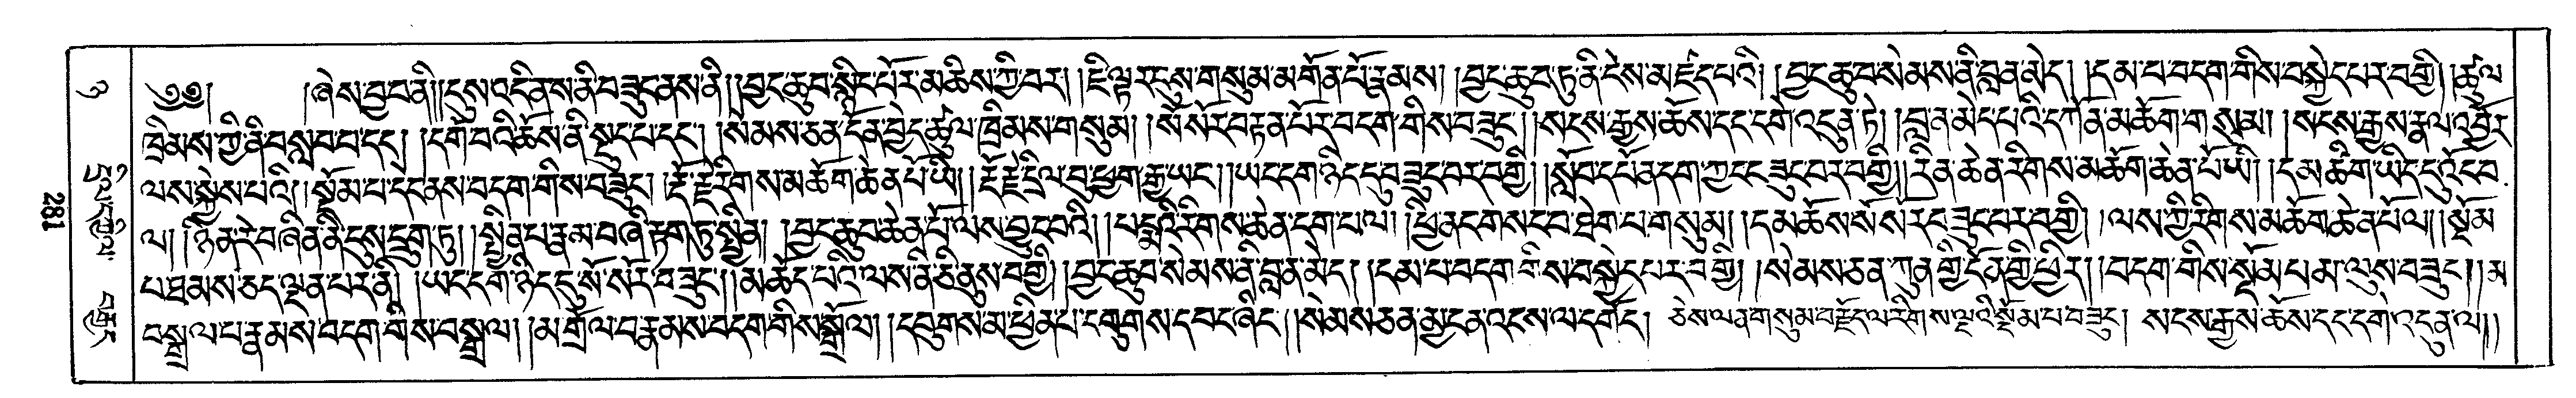༄༅། །ཞེས་བྱ་བ་ནི། །དུས་འདི་ནས་ནི་བཟུང་ནས་ནི། །བྱང་ཆུབ་སྙིང་པོར་མཆིས་ཀྱི་བར། །ཇི་ལྟར་དུས་གསུམ་མགོན་པོ་རྣམས། །བྱང་ཆུབ་ཏུ་ནི་དེས་མཛད་པའི། །བྱང་ཆུབ་སེམས་ནི་བླ་ན་མེད། །དམ་པ་བདག་གིས་བསྐྱེད་པར་བགྱི། །ཚུལ་
ཁྲིམས་ཀྱི་ནི་བསླབ་པ་དང་། །དགེ་བའི་ཆོས་ནི་སྡུད་པ་དང་། །སེམས་ཅན་དོན་བྱེད་ཚུལ་ཁྲིམས་གསུམ། །སོ་སོར་བརྟན་པོར་བདག་གིས་བཟུང་། །སངས་རྒྱས་ཆོས་དང་དགེ་འདུན་ཏེ། །བླ་ན་མེད་པའི་དཀོན་མཆོག་གསུམ། །སངས་རྒྱས་རྣལ་འབྱོར་
ལས་སྐྱེས་པའི། །སྡོམ་པ་དེང་ནས་བདག་གིས་བཟུང་། །རྡོ་རྗེ་རིགས་མཆོག་ཆེན་པོ་ཡི། །རྡོ་རྗེ་དྲིལ་བུ་ཕྱག་རྒྱ་ཡང་། །ཡང་དག་ཉིད་དུ་བཟུང་བར་བགྱི། །སློབ་དཔོན་དག་ཀྱང་བཟུང་བར་བགྱི། །རིན་ཆེན་རིགས་མཆོག་ཆེན་པོ་ཡི། །དམ་ཚིག་ཡིད་དུ་འོང་པ་
ལ༑ ༑ཉིན་རེ་བཞིན་ནི་དུས་དྲུག་ཏུ། །སྦྱིན་པ་རྣམ་བཞི་རྟག་ཏུ་སྤྱིན། །བྱང་ཆུབ་ཆེན་པོ་ལས་བྱུང་བའི། །པདམའི་རིགས་ཆེན་དག་པ་ལ། །ཕྱི་ནང་གསང་བ་ཐེག་པ་གསུམ། །དམ་ཆོས་སོ་སོར་བཟུང་བར་བགྱི། །ལས་ཀྱི་རིགས་མཆོག་ཆེན་པོ་ལ། །སྔོམ་
པ་ཐམས་ཅད་ལྡན་པར་ནི། །ཡང་དག་ཉིད་དུ་སོ་སོར་བཟུང་། །མཆོད་པའི་ལས་ནི་ཅི་ནུས་བགྱི། །བྱང་ཆུབ་སེམས་ནི་བླ་ན་མེད། །དམ་པ་བདག་གིས་བསྐྱེད་པར་བགྱི། །སེམས་ཅན་ཀུན་གྱི་དོན་གྱི་ཕྱིར། །བདག་གིས་སྔོམ་པ་མ་ལུས་བཟུང་། །མ་
བསྒྲལ་བ་རྣམས་བདག་གིས་བསྒྲལ། །མ་གྲོལ་བ་རྣམས་བདག་གིས་སྒྲོལ། །དབུགས་མ་ཕྱིན་པ་དབུགས་དབྱུང་ཞིང་། །སེམས་ཅན་མྱ་ངན་འདས་ལ་དགོད། ཅེས་ལན་གསུམ་བརྗོད་ལ་རིགས་ལྔའི་སྔོམ་པ་བཟུང་། སངས་རྒྱས་ཆོས་དང་དགེ་འདུན་ལ།།